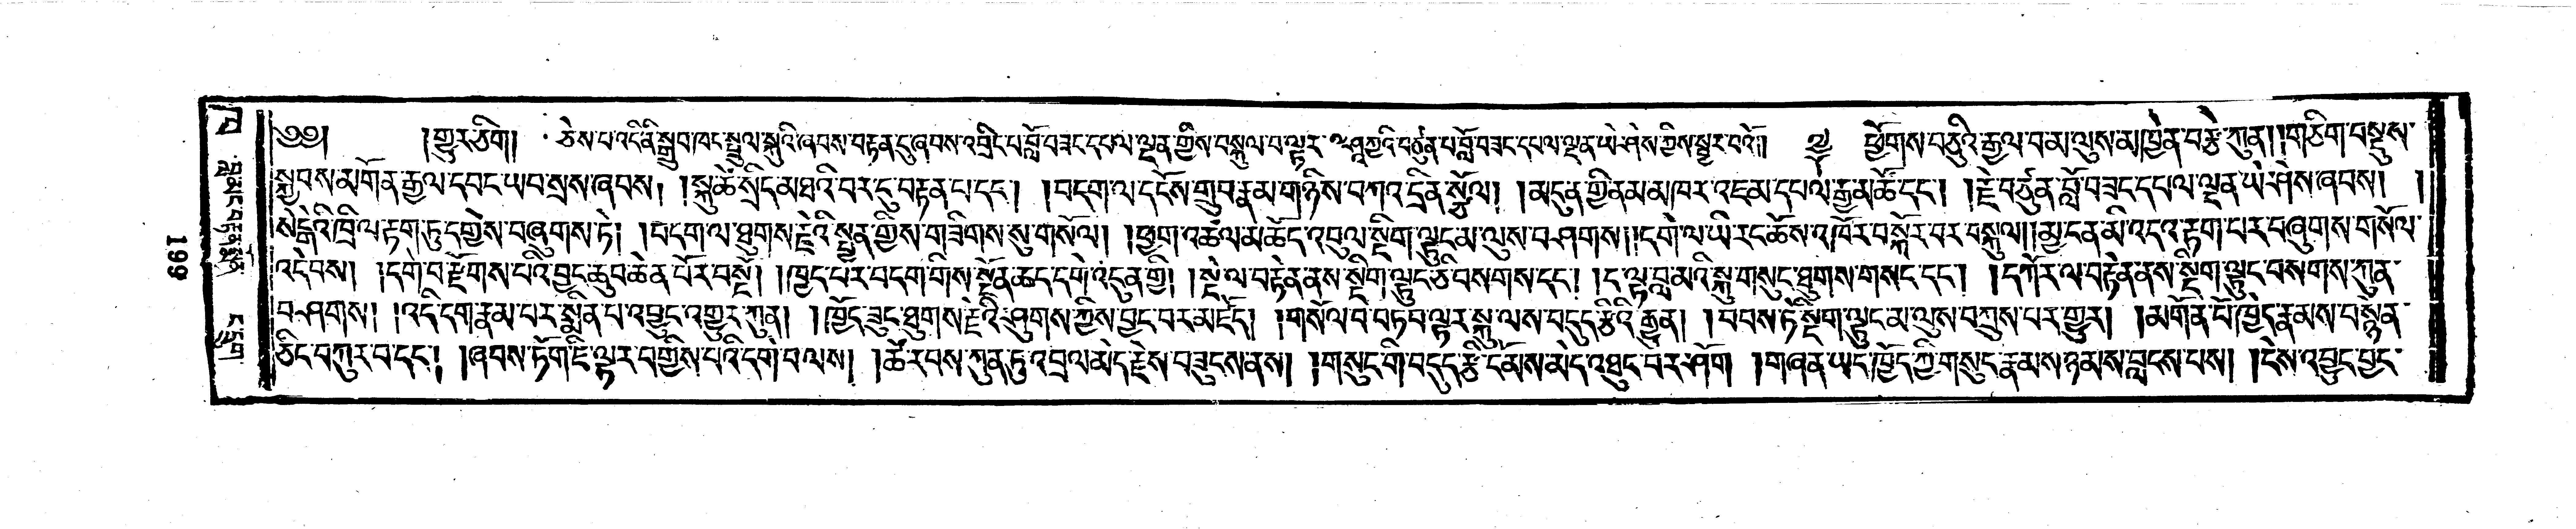༄༅། །གྱུར་ཅིག། ཅེས་པ་འདི་ནི་སྒྲུབ་ཁང་སྤྲུལ་སྐུའི་ཞབས་བརྟན་དུ་ཞབས་འབྲིང་པ་བློ་བཟང་དཔལ་ལྡན་གྱིས་བསྐུལ་བ་ལྟར་༧་ཤཱཀྱའི་བཙུན་པ་བློ་བཟང་དཔལ་ལྡན་ཡེ་ཤེས་ཀྱིས་སྦྱར་བའོ།། ༈ ཕྱོགས་བཅུའི་རྒྱལ་བ་མ་ལུས་མཁྱེན་བརྩེ་ཀུན། །གཅིག་བསྡུས་
སྐྱབས་མགོན་རྒྱལ་དབང་ཡབ་སྲས་ཞབས། །སྐུ་ཚེ་སྲིད་མཐའི་བར་དུ་བརྟན་པ་དང་། །བདག་ལ་དངོས་གྲུབ་རྣམ་གཉིས་བཀའ་དྲིན་སྩོལ། །མདུན་གྱི་ནམ་མཁར་འཇམ་དཔལ་རྒྱ་མཚོ་དང་། །རྗེ་བཙུན་བློ་བཟང་དཔལ་ལྡན་ཡེ་ཤེས་ཞབས། །
སེངྒེའིའི་ཁྲིལ་རྟག་ཏུ་དགྱེས་བཞུགས་ཏེ། །བདག་ལ་ཐུགས་རྗེའི་སྤྱན་གྱིས་གཟིགས་སུ་གསོལ། །ཕྱག་འཚལ་མཆོད་འབུལ་སྡིག་ལྟུང་མ་ལུས་བཤགས། །དགེ་ལ་ཡི་རང་ཆོས་འཁོར་བསྐོར་བར་བསྐུལ། །མྱ་ངན་མི་འདའ་རྟག་པར་བཞུགས་གསོལ་
འདེབས། །དགེ་བ་རྫོགས་པའི་བྱང་ཆུབ་ཆེན་པོར་བསྔོ། །ཁྱད་པར་བདག་གིས་སྔོན་ཆད་དགེ་འདུན་གྱི། །སྔེ་ལ་བརྟེན་ནས་སྡིག་ལྷུང་ཅི་བསགས་དང་། །ད་ལྟ་བླ་མའི་སྐུ་གསུང་ཐུགས་གསང་དང་། །དཀོར་ལ་བརྟེན་ནས་སྡིག་ལྷུང་བསགས་ཀུན་
བཤགས། །འདི་དག་རྣམ་པར་སྨིན་པ་འབྱུང་འགྱུར་ཀུན། །ཁྱོད་ཟུང་ཐུགས་རྗེའི་ཤུགས་ཀྱིས་བྱང་བར་མཛོད། །གསོལ་བ་བཏབ་ལྟར་སྐུ་ལས་བདུད་རྩིའི་རྒྱུན། །བབས་ཏེ་སྡིག་ལྷུང་མ་ལུས་བཀྲུས་པར་གྱུར། །མགོན་པོ་ཁྱེད་རྣམས་བསྙེན་
ཅིང་བཀུར་བ་དང་། །ཞབས་ཏོག་ཇི་ལྟར་བགྱིས་པའི་དགེ་བ་ལས། །ཚེ་རབས་ཀུན་ཏུ་འབྲལ་མེད་རྗེས་བཟུངས་ནས། །གསུང་གི་བདུད་རྩི་ངོམས་མེད་འཐུང་བར་ཤོག །གཞན་ཡང་ཁྱོད་ཀྱི་གསུང་རྣམས་ཉམས་བླངས་པས། །ངེས་འབྱུང་བྱང་